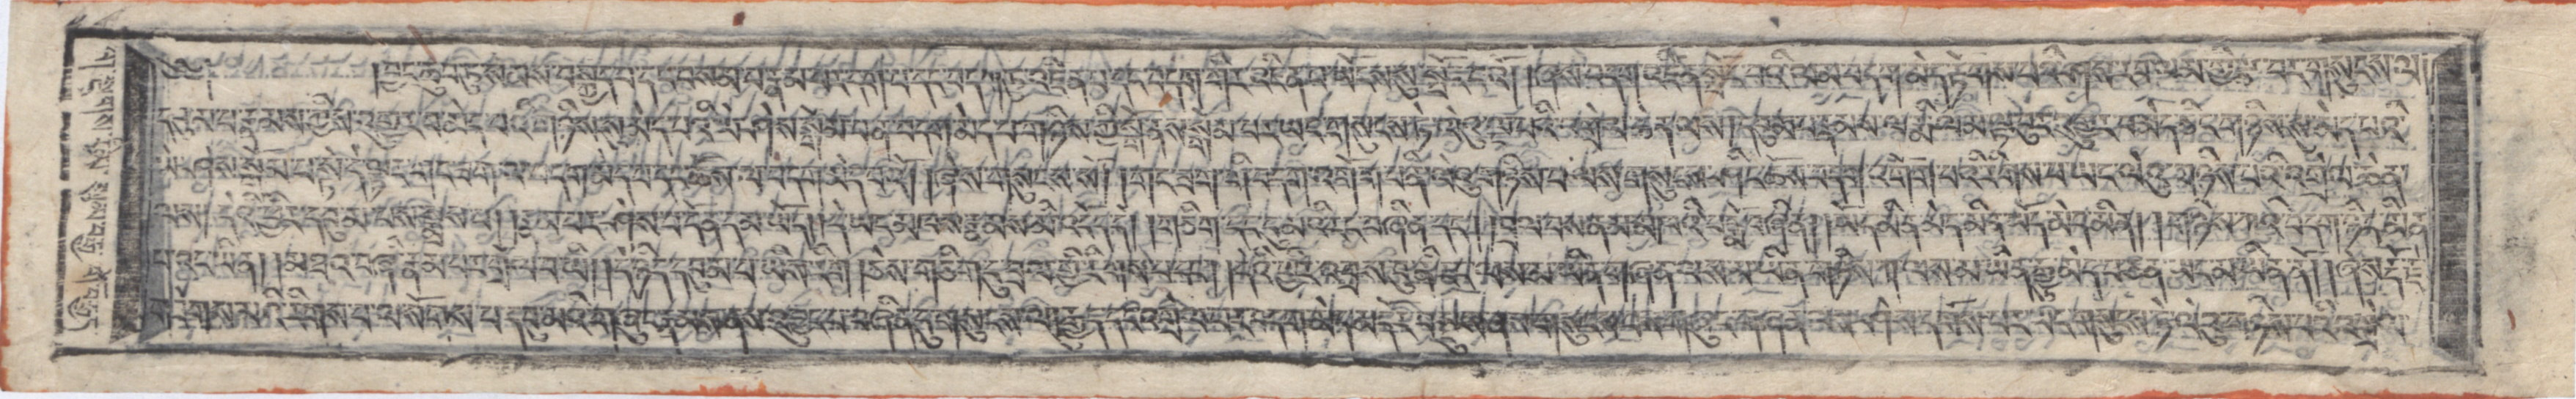༄༅། །བྱང་ཆུབ་ཏུ་སེམས་བསྐྱེད་པ་དང་བསམ་པ་རྣམ་པར་དག་པ་དང་བདག་ཏུ་འཛིན་པ་དང་བདག་གིར་འཛིན་པ་ཡོངས་སུ་སྤོང་བའོ། །ཞས་བདག་འཛིན་སྤོང་བའི་ལམ་བདག་མེད་རྟོགས་པའི་ཤེས་རབ་ལམ་གྱི་རྩ་བར་གསུངས་ལ།
དབུ་མ་པ་རྣམས་ཀྱིས་འགྱུར་བ་མེད་པའི་གཉིས་སུ་མེད་པའི་ཡེ་ཤེས་སྒོམ་པ་ན་བདག་མེད་པ་གཉིས་ཀྱི་སྒོ་ནས་སྒོམ་པར་ཡང་གསུངས་ཏེ་ལེའུ་ལྔ་པའི་འགྲེལ་ཆེན་ལས། དབུ་མ་པ་རྣམས་ལ་རྨི་ལམ་ལྟ་བུར་འགྱུར་བ་མེད་ཅིང་གཉིས་སུ་མེད་པའི་
ཡེ་ཤེས་སྒོམ་པ་སྟེ་དེ་ལྟར་གང་ཟག་ལ་བདག་མེད་པ་དང་ཆོས་ལ་བདག་མེད་པའོ། །ཞེས་གསུངས་སོ། །གང་ཟག་གི་བདག་འགོག་པ་ནི་ལེའུ་གཉིས་པ་ལས་གསུངས་ཤིང་ཆོས་བདག་འགོག་པའི་རིགས་པ་ཡང་ལེའུ་གཉིས་པའི་འགྲེལ་ཆེན་
ལས། དེའི་ཕྱིར་དབུ་མ་པས་སྨྲས་པ། །རྣམ་པར་ཤེས་པ་དོན་དམ་ཡོད། །དེ་ཡང་མཁས་རྣམས་མི་འདོད་དེ། །གཅིག་དང་དུ་མའི་རང་བཞིན་དང་། །བྲལ་བས་ནམ་མཁའི་པདམོ་བཞིན། །ཡོད་མིན་མེད་མིན་ཡོད་མེད་མིན། །གཉིས་ཀའི་བདག་ཉིད་མིན་
པ་འང་ཡིན། །མཐའ་བཞི་རྣམ་པར་གྲོལ་བ་ཡི། །དེ་ཉིད་དབུ་མ་པ་ཡིས་རིག །ཅེས་གཅིག་དུ་བྲལ་གྱི་རིགས་པ་དང་། །དེའི་ཕྱིར་འབྲས་བུ་ནི་རང་ལས་མ་ཡིན་གཞན་ལས་མ་ཡིན་གཉིས་ཀ་ལས་མ་ཡིན་རྒྱུ་མེད་པ་ཅན་ཡང་མ་ཡིན་ནོ། །ཞེས་རྡོ་རྗེ་
གཟེགས་མའི་རིགས་པ་ལ་སོགས་པ་དབུ་མའི་གཞུང་རྣམས་ནས་འབྱུང་པ་བཞིན་དུ་གསུངས་ལ། རྒྱུད་དང་འགྲེལ་པར་བདག་མེད་མདོར་བསྡུས་ནས་གསུངས་པས་གཞུང་གཞན་ལས་ཤེས་དགོས་པར་ཡང་གསུངས་ཏེ་ལེའུ་གཉིས་པའི་འགྲེལ་